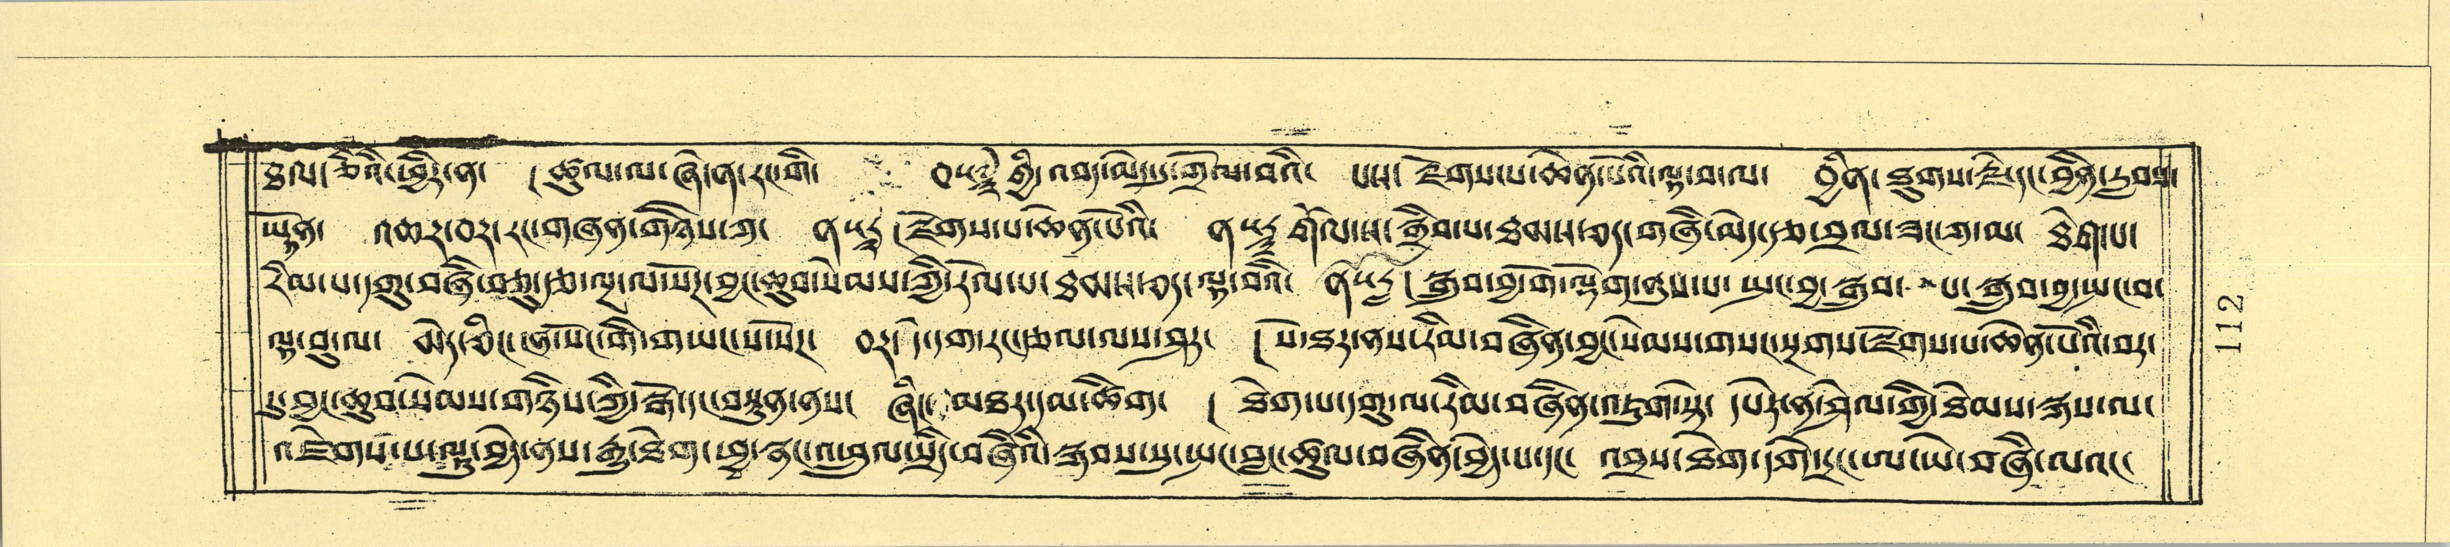ཐལ་ཅིའི་ཕྱིར་ན་ ཚུལ་ལ་ཞེ་ན་རང་གི་ བ༥༧།༣འབད་མེད་དུ་གྲོལ་བའི་ པས་ རྫོགས་པ་ཆེན་པོའི་ལྟ་བ་ལ་༼བྱིན༽ཐུགས་རྗེ་དང་བྱིན་རླབས་
ཡོན་ཏན་༼འཆར་བར༽རང་གཞན་གཉིས་ཀ་ ན༥༨།༢རྫོགས་པ་ཆེན་པོ་ ན༥༨།༣གོལ་སསྒྲིབ་པ་ཐམས་ཅད་གཞི་མེད་རྩ་བྲལ་ཟང་ཀ་མ་ ཐེག་པ་
རིམ་པ་དགུ་བཞི་བཅུ་རྩ་ལྔ་ལ་སོགས་བྱང་ཆུབ་སེམས་ཀྱི་རོལ་པ་ཐམས་ཅདལྟ་བའི་ ན༥༨།༤ སྒྲུབ་བྱ་གོ་ལྡོག་ནུས་པ་སྤང་བྱ་སྒྲུབ་ པ་སྒྲུབ་བྱ་སྤང་
བ་ལྟ་བུ་ལ་ མེད་ཅིང་ངན་སོང་གི་གཡང་ས་སོགས་ བར་དེ་དག་རང་རྩལ་ལས་ཤར། སོ་ཐར་ནས་རིམ་བཞིན་བྱང་སེམས་གསང་སྔགས་རྫོགས་པ་ཆེན་པོའི་བར་
དུ་བྱང་ཆུབ་སེམས་གཉིས་ཀྱི་སྒོ་དང་བསྟུན་ནས་༼ཞིང༽མཐར་དམ་ཚིག་ཐེག་པ་དགུ་ལ་རིམ་བཞིན་འཇུག་སྟེ་དཔེར་ན་ཤེལ་གྱི་ཐེམ་སྐས་ལ་
འཛེགས་པ་ལྟ་བུ་བྱེད་ནས་རྒྱུ་ཐེག་ཕྱྭ་སྣང་འཕྲུལ་སྲིད་བཞིའི་སྐབས་སུ་སྤང་བླང་ཚུལ་བཞིན་བྱེད་པ་དང་། འབྲས་ཐེག་དགེ་དྲང་ཨ་ཡེ་བཞི་ལའང་།